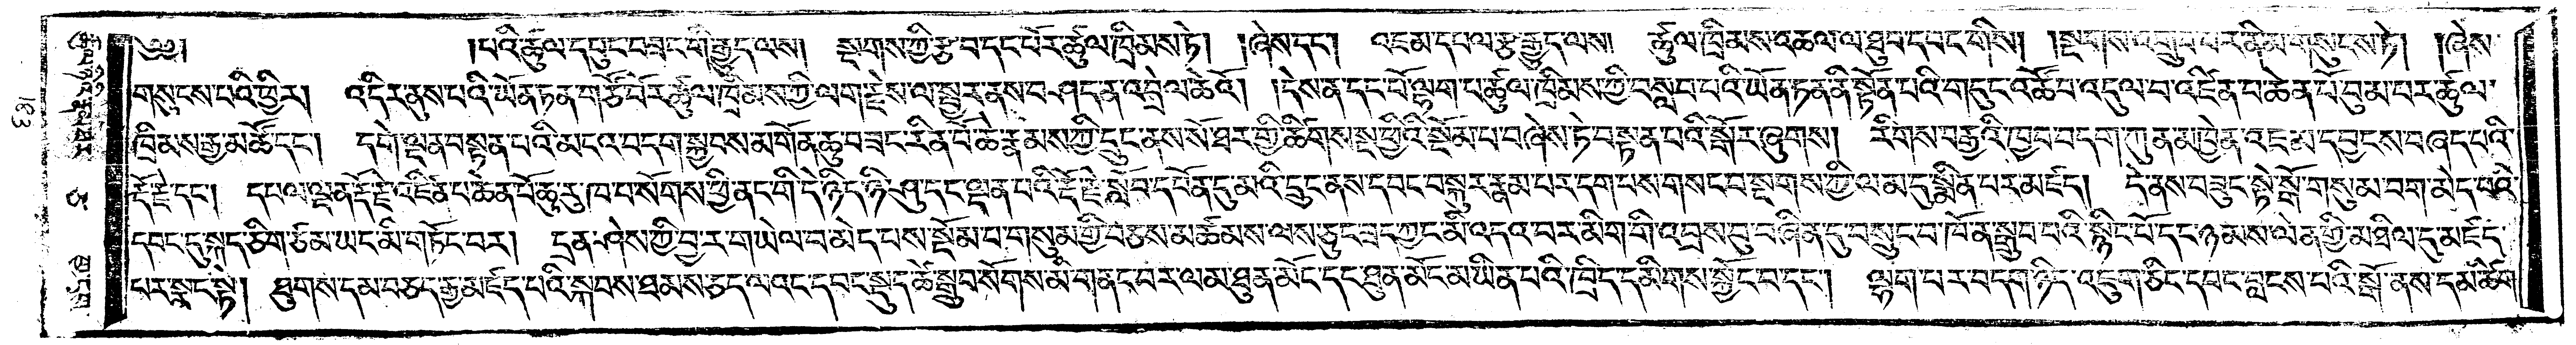༄༅། །པའི་ཚུལ་དཔུང་བཟང་གི་རྒྱུད་ལས། སྔགས་ཀྱི་རྩ་བ་དང་པོར་ཚུལ་ཁྲིམས་ཏེ། །ཞེས་དང་། འཇམ་དཔལ་རྩ་རྒྱུད་ལས། ཚུལ་ཁྲིམས་འཆལ་ལ་ཐུབ་དབང་གིས། །སྔགས་འགྲུབ་བར་ནི་མ་གསུངས་ཏེ། །ཞེས་
གསུངས་པའི་ཕྱིར། འདིར་ནུས་པའི་ཡོན་ཏན་གཙོ་བོར་ཚུལ་ཁྲིམས་ཀྱི་ལག་རྗེས་ལ་སྦྱར་ནས་བཤད་ན་འབྲེལ་ཆེའོ། །དེས་ན་དང་པོ་ལྷག་པ་ཚུལ་ཁྲིམས་ཀྱི་བསླབ་བའི་ཡོན་ཏན་ནི་སྟོན་པའི་གདུང་འཚོང་འདུལ་བ་འཛིན་པ་ཆེན་པོ་བུམ་པར་ཚུལ་
ཁྲིམས་རྒྱ་མཚོ་དང་། དགེ་ལྡན་བསྟན་པའི་མངའ་བདག་སྐྱབས་མགོན་ཆུ་བཟང་རིན་པོ་ཆེ་རྣམས་ཀྱི་དྲུང་ནས་སོ་ཐར་གྱི་ཚིགས་སྔ་ཕྱིའི་སྔོམ་པ་བཞེས་ཏེ་བསྟན་པའི་སྒོར་ཞུགས། རིགས་བརྒྱའི་ཁྱབ་བདག་ཀུན་མཁྱེན་འཇམ་དབྱངས་བཞད་པའི་
རྡོ་རྗེ་དང་། དཔལ་ལྡན་རྡོ་རྗེ་འཛིན་པ་ཆེན་པོ་ཆུ་རུ་ཁ་བ་སོགས་ཕྱི་ནང་གི་དེ་ཉིད་ཉི་ཤུ་དང་ལྡན་པའི་རྡོ་རྗེ་སློབ་དཔོན་དུ་མའི་དྲུང་ནས་དབང་བསྐུར་རྣམ་པར་དག་པས་གསང་བ་སྔགས་ཀྱི་ལམ་དུ་སྨིན་པར་མཛད། དེ་ནས་བཟུང་སྟེ་སྒོ་གསུམ་བག་མེད་པའི་
དབང་དུ་སྐད་ཅིག་ཙམ་ཡང་མི་གཏོང་བར། དྲན་ཤེས་ཀྱི་བྱ་ར་གཡེལ་བ་མེད་པས་སྡོམ་པ་གསུམ་གྱི་བཅས་མཚམས་ལས་ཅུང་ཟད་ཀྱང་མི་འདའ་བར་མིག་གི་འབྲས་བུ་བཞིན་དུ་བསྲུང་བ་ཁོ་ན་སྒྲུབ་པའི་སྙིང་པོ་དང་ཉམས་ལེན་གྱི་མཐིལ་དུ་མཛད་
པར་སྣང་སྟེ། ཐུགས་དམ་བཅད་རྒྱ་མཛད་པའི་སྐབས་ཐམས་ཅད་ལའང་དབང་སྡུད་ཙེ་སྒྲུབ་སོགས་མི་གནང་བར་ལམ་ཐུན་མོང་དང་ཐུན་མོང་མ་ཡིན་པའི་ཁྲིད་དམིགས་སྐྱོང་བ་དང་། ལྷག་བར་བདག་ཉིད་འཇུག་ཅིང་དབང་བླངས་པའི་སྒོ་ནས་དམ་ཚིག་